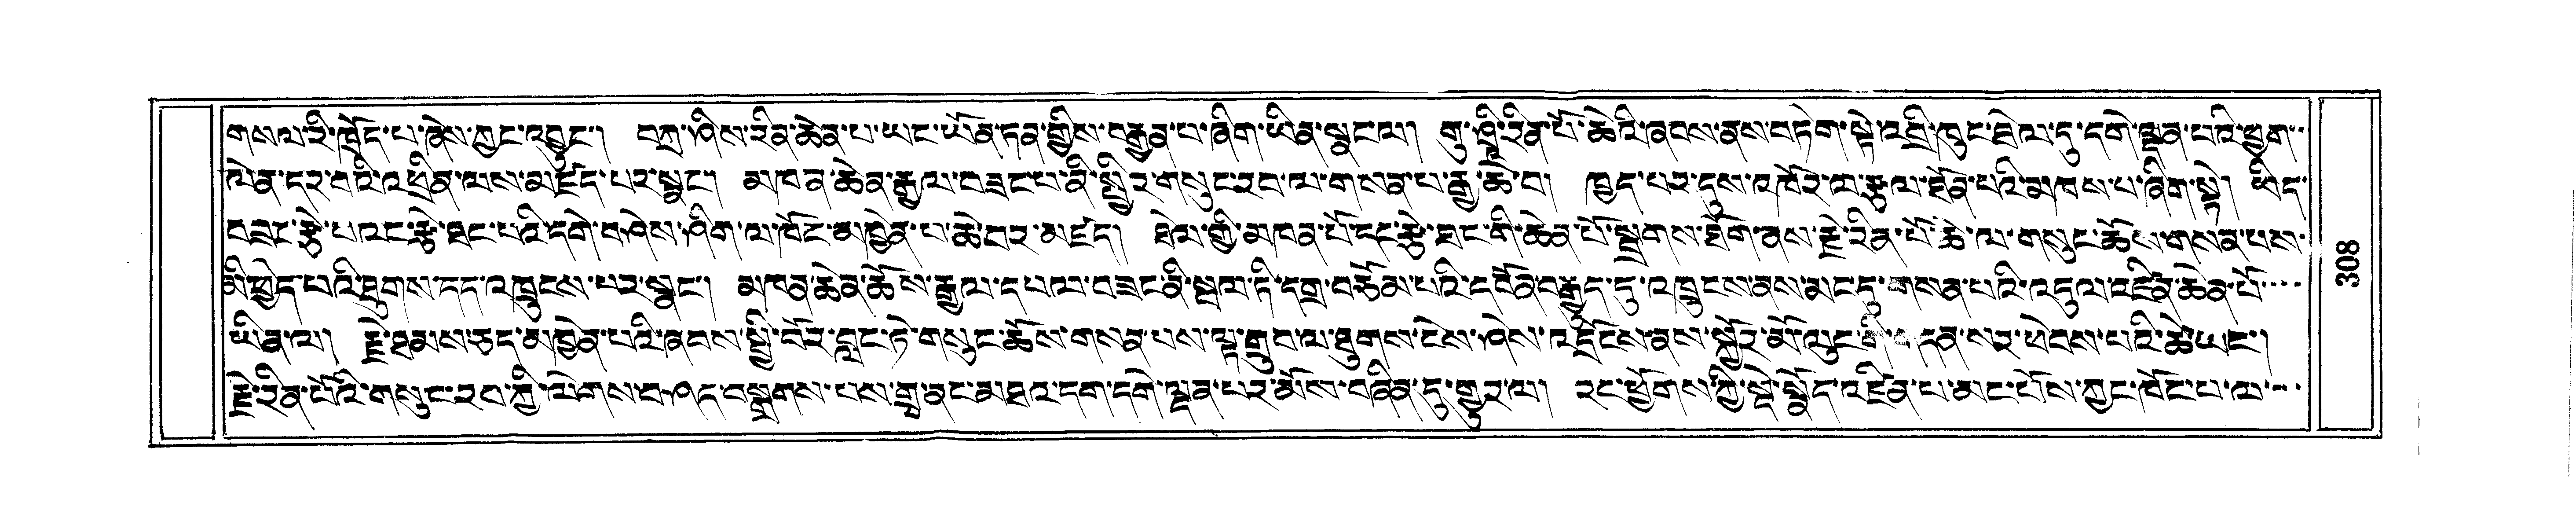གསལ་རི་ཁྲོད་པ་ཞེས་ཀྱང་འབྱུང་། བཀྲ་ཤིས་རིན་ཆེན་པ་ཡང་ཡོན་ཏན་གྱིས་བརྒྱན་པ་ཞིག་ཡིན་སྣང་ལ། གུ་ཤྲཱི་རིན་པོ་ཆེའི་ཞབས་ནས་བརྟེག་སྟེ་འབྲི་ཁུང་ཐེལ་དུ་དགེ་ལྡན་པའི་ཕྱག་
ལེན་དར་བའི་འཕྲིན་ལས་མཛད་པར་སྣང་། མཁན་ཆེན་རྒྱལ་བཟང་པ་ནི་སྤྱིར་གསུང་རབ་ལ་གསན་པ་རྒྱ་ཆེ་བ། ཁྱད་པར་དུས་འཁོར་ལ་རྩལ་ཐོན་པའི་མཁས་པ་ཞིག་སྟེ། ཡིད་
བཟང་རྩེ་པའང་རྩེ་ཐང་པའི་དགེ་བཤེས་ཤིག་ལ་ཁོང་མཁྱེན་པ་ཆེ་བར་མཛད། ཐེལ་གྱི་མཁན་པོ་དང་རྩེ་ཐང་གི་ཆེན་པོ་སྦྲགས་ཐོག་ནས་རྗེ་རིན་པོ་ཆེ་ལ་གསུང་ཆོས་གསན་པས་མི་ཕྱེད་པའི་ཐུགས་དད་འཁྲུངས་པར་སྣང་། མཁན་ཆེན་ཆོས་རྒྱལ་དཔལ་བཟང་ནི་སྤལ་ཏི་དགྲ་བཅོམ་པའི་དབོན་བརྒྱུད་དུ་འཁྲུངས་ནས་མང་དུ་གསན་པའི་འདུལ་འཛིན་ཆེན་པོ་
ཡིན་ལ། རྗེ་ཐམས་ཅད་མཁྱེན་པའི་ཞབས་སྤྱི་བོར་བླང་ཏེ་གསུང་ཆོས་གསན་པས་ལྟ་གྲུབ་ལ་ཐུགས་ངེས་ཤེས་འདྲོངས་ནས་ཞབས་སྐྱོར་མོ་ལུང་གི་གདན་སར་ཕེབས་པའི་ཚེ་ཡང་།
རྗེ་རིན་པོའི་གསུང་རབ་ཀྱི་ལེགས་བཤད་བསྒྲགས་པས་གྲྭ་ནང་མཐའ་དག་དགེ་ལྡན་པར་མོས་བཞིན་དུ་གྱུར་ལ། རང་ཕྱོགས་ཀྱི་སྡེ་སྣོད་འཛིན་པ་མང་པོས་ཀྱང་ཁོང་པ་ལ་